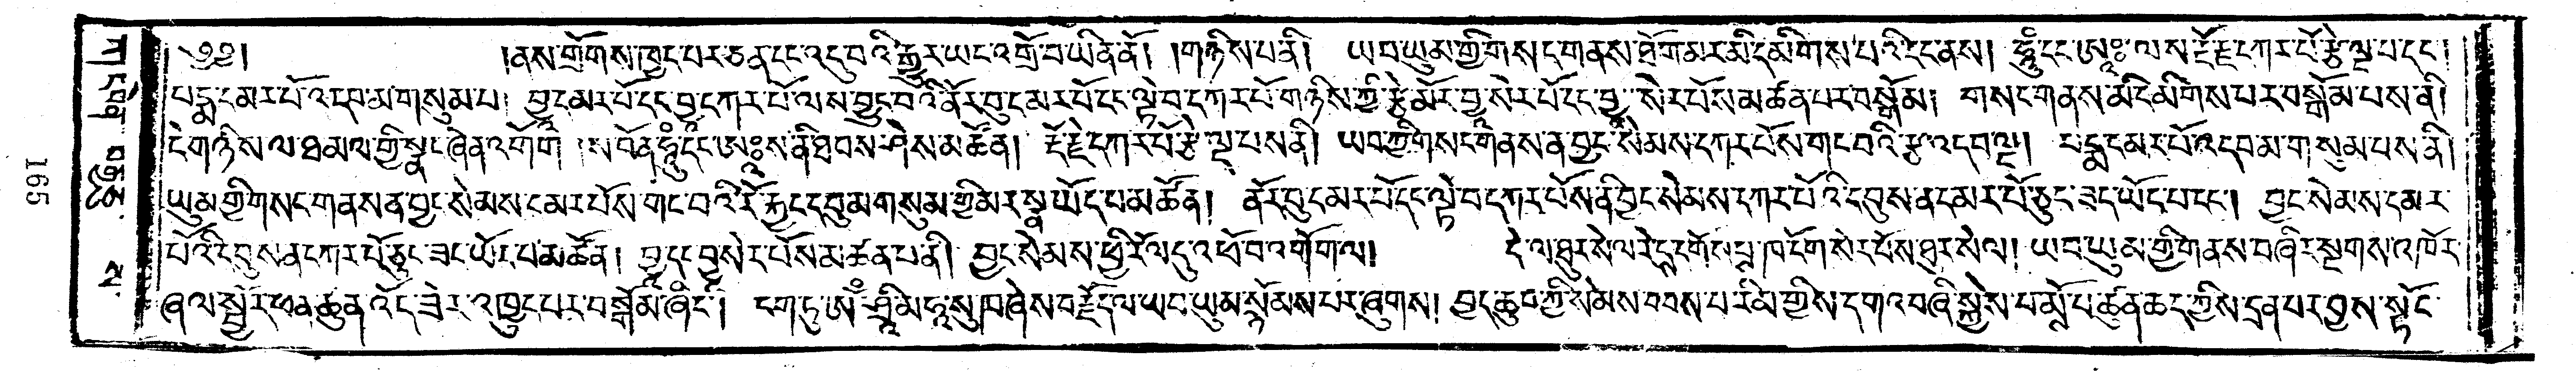༄༅། །ནས་གྲོགས་ཁྱད་པར་ཅན་དང་འདུ་བའི་རྒྱུར་ཡང་འགྲོ་བ་ཡིན་ནོ། །གཉིས་པ་ནི། ཡབ་ཡུམ་གྱི་གསད་གནས་ཐོག་མར་མི་དམིགས་པའི་དང་ནས། ཧཱུཾ་དང་ཨཱཿ ལས་རྡོ་རྗེ་དཀར་པོ་རྩེ་ལྔ་པ་དང་།
པདམ་དམར་པོ་འདབ་མ་གསུམ་པ། བྱཱ་དམར་པོ་དང་བྱཱ་དཀར་པོ་ལས་བྱུང་བའི་ནོར་བུ་དམར་པོ་དང་ལྟེ་བ་དཀར་པོ་གཉིས་ཀྱི་རྩེ་མོར་བྱཱ་སེར་པོ་དང་བྱཱ་སེར་པོས་མཚན་པར་བསྒོམ། གསང་གནས་མི་དམིགས་པར་བསྒོམ་པས་ནི།
དེ་གཉིས་ལ་ཐ་མལ་གྱི་སྣང་ཞེན་འགོག །ས་བོན་ཧཱུཾ་དང་ཨཱཿ ས་ནི་ཐབས་ཤེས་མཚོན། རྡོ་རྗེ་དཀར་པོ་རྩེ་ལྡ་པས་ནི། ཡབ་ཀྱི་གསང་གནས་ན་བྱང་སེམས་དཀར་པོས་གང་བའི་རྩ་འདབ་ལྔ། པདམ་དམར་པོ་འདབ་མ་གསུམ་པས་ནི།
ཡུམ་གྱི་གསང་གནས་ན་བྱང་སེམས་དམར་པོས་གང་བའི་རོ་རྐྱང་དབུ་མ་གསུམ་གྱི་མར་སྣ་ཡོད་པ་མཚོན། ནོར་བུ་དམར་པོ་དང་ལྟེ་བ་དཀར་པོས་ནི་བྱང་སེམས་དཀར་པོའི་དབུས་ན་དམར་པོ་ཅུང་ཟད་ཡོད་པ་དང་། བྱང་སེམས་དམར་
པོའི་དབུས་ན་དཀར་པོ་ཅུང་ཟད་ཡོད་པ་མཚོན། བྱཱ་དང་བྱ་སེར་པོས་མཚན་པ་ནི། བྱང་སེམས་ཕྱི་རོལ་དུ་འཕོ་བ་འགོག་ལ། དེ་ལ་ཐུར་སེལ་རེ་དས་དགོས་པྲ་ཁ་དོག་སེར་པོས་ཐུར་སེལ། ཡབ་ཡུམ་གྱི་གནས་བཞིར་སྔགས་འཁོར་
ཞལ་སྦྱོར་ཕན་ཚུན་འོད་ཟེར་འཁྱུད་པར་བསྒོམ་ཞིང་། ངག་ཏུ་ཨོཾ་ཤྲཱི་མཧཱ་སུ་ཁ་ཞེས་བརྗོད་ལ་ཡབ་ཡུམ་སྙོམས་པར་ཞུགས། བྱང་ཆུབ་ཀྱི་སེམས་བབས་པ་རིམ་གྱིས་དགའ་བཞི་སྐྱེས་པ་མྶོ་པ་ཚུན་ཆད་ཀྱིས་དྲན་པར་བྱས་སྟོང་